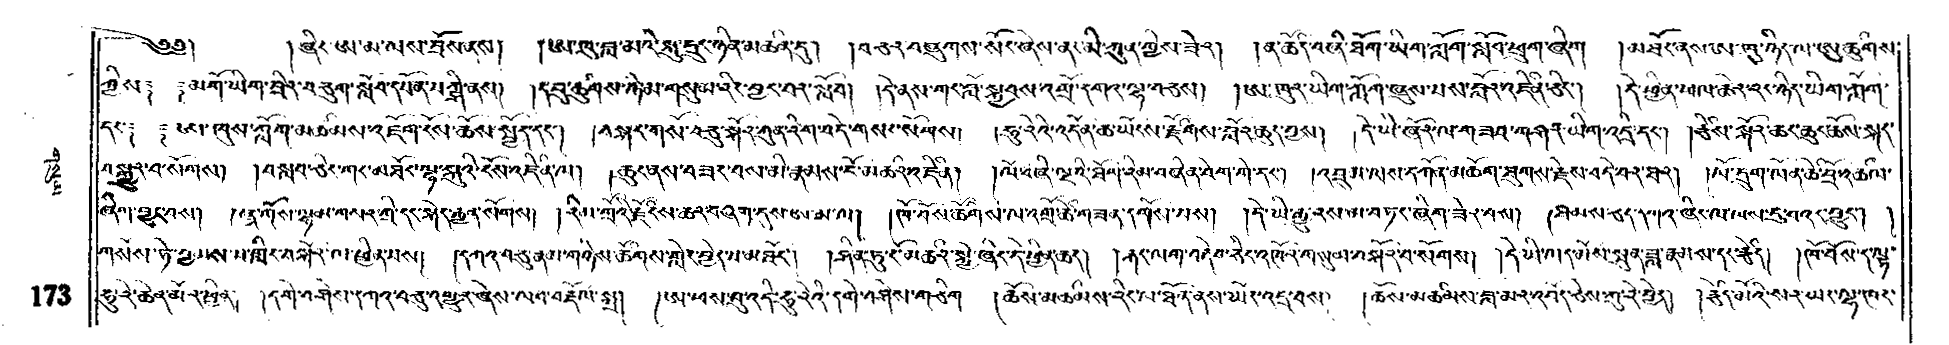༄༅། །ཞིང་ཨ་མ་ལས་བྲོས་ནས། །ཨ་ཁུ་བླ་མའི་སྐུ་དྲུང་ཉིན་མཚན་དུ། །བཅར་བཞུགས་སོང་ཞེས་ནང་མི་ཀུན་གྱིས་ཟེར། །ན་ཚོད་བཞི་ཐོག་ཡིག་ཀློག་སློབ་ཕྲུག་ཞིག །མཐོང་ནས་ཨ་ཁུ་ཉིད་ལ་ཨུ་ཚུགས་
ཀྱིས༑ ༑མགོ་ཡིག་བྲིར་བཅུག་སློབ་དཔོན་པཀྴི་ནས། །དབུ་ཚུགས་ཉི་མ་གསུམ་རིང་བྱང་བར་སློབ། །དེ་ནས་གང་བློ་སྐྱབས་འགྲོ་དགའ་ལྷ་བཅས། །ཨ་ཁུར་ཡིག་ཀློག་ཞུས་པས་བློར་འཛིན་ཅིང་། །དེ་ཕྱིན་ཕལ་ཆེར་རང་ཉིད་ཡིག་ཀློག་
དང༑ ༑ཨ་ཁུས་ཀློག་མཚམས་འཇོག་ངོས་ཆོས་སྤྱོད་དང་། །བསྐང་གསོ་བཅུ་སྐོར་ཀུན་རིག་བདེ་གསང་སོགས། །ཧུ་རེའི་འདོན་ཆ་ཡོངས་རྫོགས་བློར་ཆུད་བྱས། །དེ་ཡི་ཞོར་ལ་གཟབ་གཤར་ཡིག་འདྲི་དང་། །རྩིས་སྐོར་ཆང་ཆུང་ཆོས་སྐད་
བསྒྱུར་བ་སོགས། །བསླབ་ཅིང་གང་མཐོང་ལྷ་སྐུའི་ངོས་འཛིན་ལ། །ཆུང་ནས་བཟང་བས་མི་རྣམས་ངོ་མཚར་འཛིན། །ལོ་བཞི་ལྔའི་ཐོག་རིམ་བཞིན་བེག་གེ་དང་། །འབྲུམ་ལས་དཀོན་མཆོག་ཐུགས་རྗེས་བདེ་བར་ཐར། །ལོ་དྲུག་ལོན་ཆེ་བྲོ་འཚལ་
ཞིག་བྱུང་བས། །ཞྭ་གོས་ལྷམ་གསར་གྲི་དང་སྐེད་རྒྱན་སོགས། །རིམ་གྲོའི་རྫོངས་ཆར་བཞག་དུས་ཨ་མ་ལ། །ཁོ་བོས་ཚོགས་ལ་འགྲོ་ཚེ་གཟན་དགོས་པས། །དེ་ཡི་རྒྱུ་རས་མ་བཏང་ཞིག་ཟེར་བས། །ཐམས་ཅད་དགའ་ཞིང་ལ་ལས་དུ་བའང་བྱུང་། །
གསོས་ཏེ་བྱམས་པ་གླིང་བསྐོར་ལ་ཕྱིན་པས། །དཀའ་བཅུ་རྣམ་གཉིས་ཚོགས་གླེང་བྱེད་པ་མཐོང་། །ཤིན་ཏུ་ངོ་མཚར་སྐྱེ་ཞིང་དེ་ཕྱིན་ཆད། །རྐང་ལག་བརྡེབ་ཉིད་འཁོར་གསུམ་བསྐོར་བ་སོགས། །དེ་ཡི་ལད་མོས་སྤུན་ཟླ་རྣམས་དང་རྩེད། །ཁོ་བོས་ད་ལྟ་
ཧུ་རེ་ཆེན་མོར་ཕྱིན། །དགེ་བཤེས་དཀའ་བཅུ་འགྱུར་ཞེས་ལབ་བརྡོལ་སྨྲ། །ཨ་ཕས་བུ་འདི་ཧུ་རེའི་དགེ་བཤེས་གཅིག །ཆོས་མཚམས་རིང་ལ་ཐོན་ནས་ཡོང་འདྲ་བས། །ཆོས་མཚམས་བླ་མར་འབོད་ཅེས་ཀུ་རེ་བྱེད། །རྩེད་མོའི་སར་ཡང་ལྷ་ཁང་